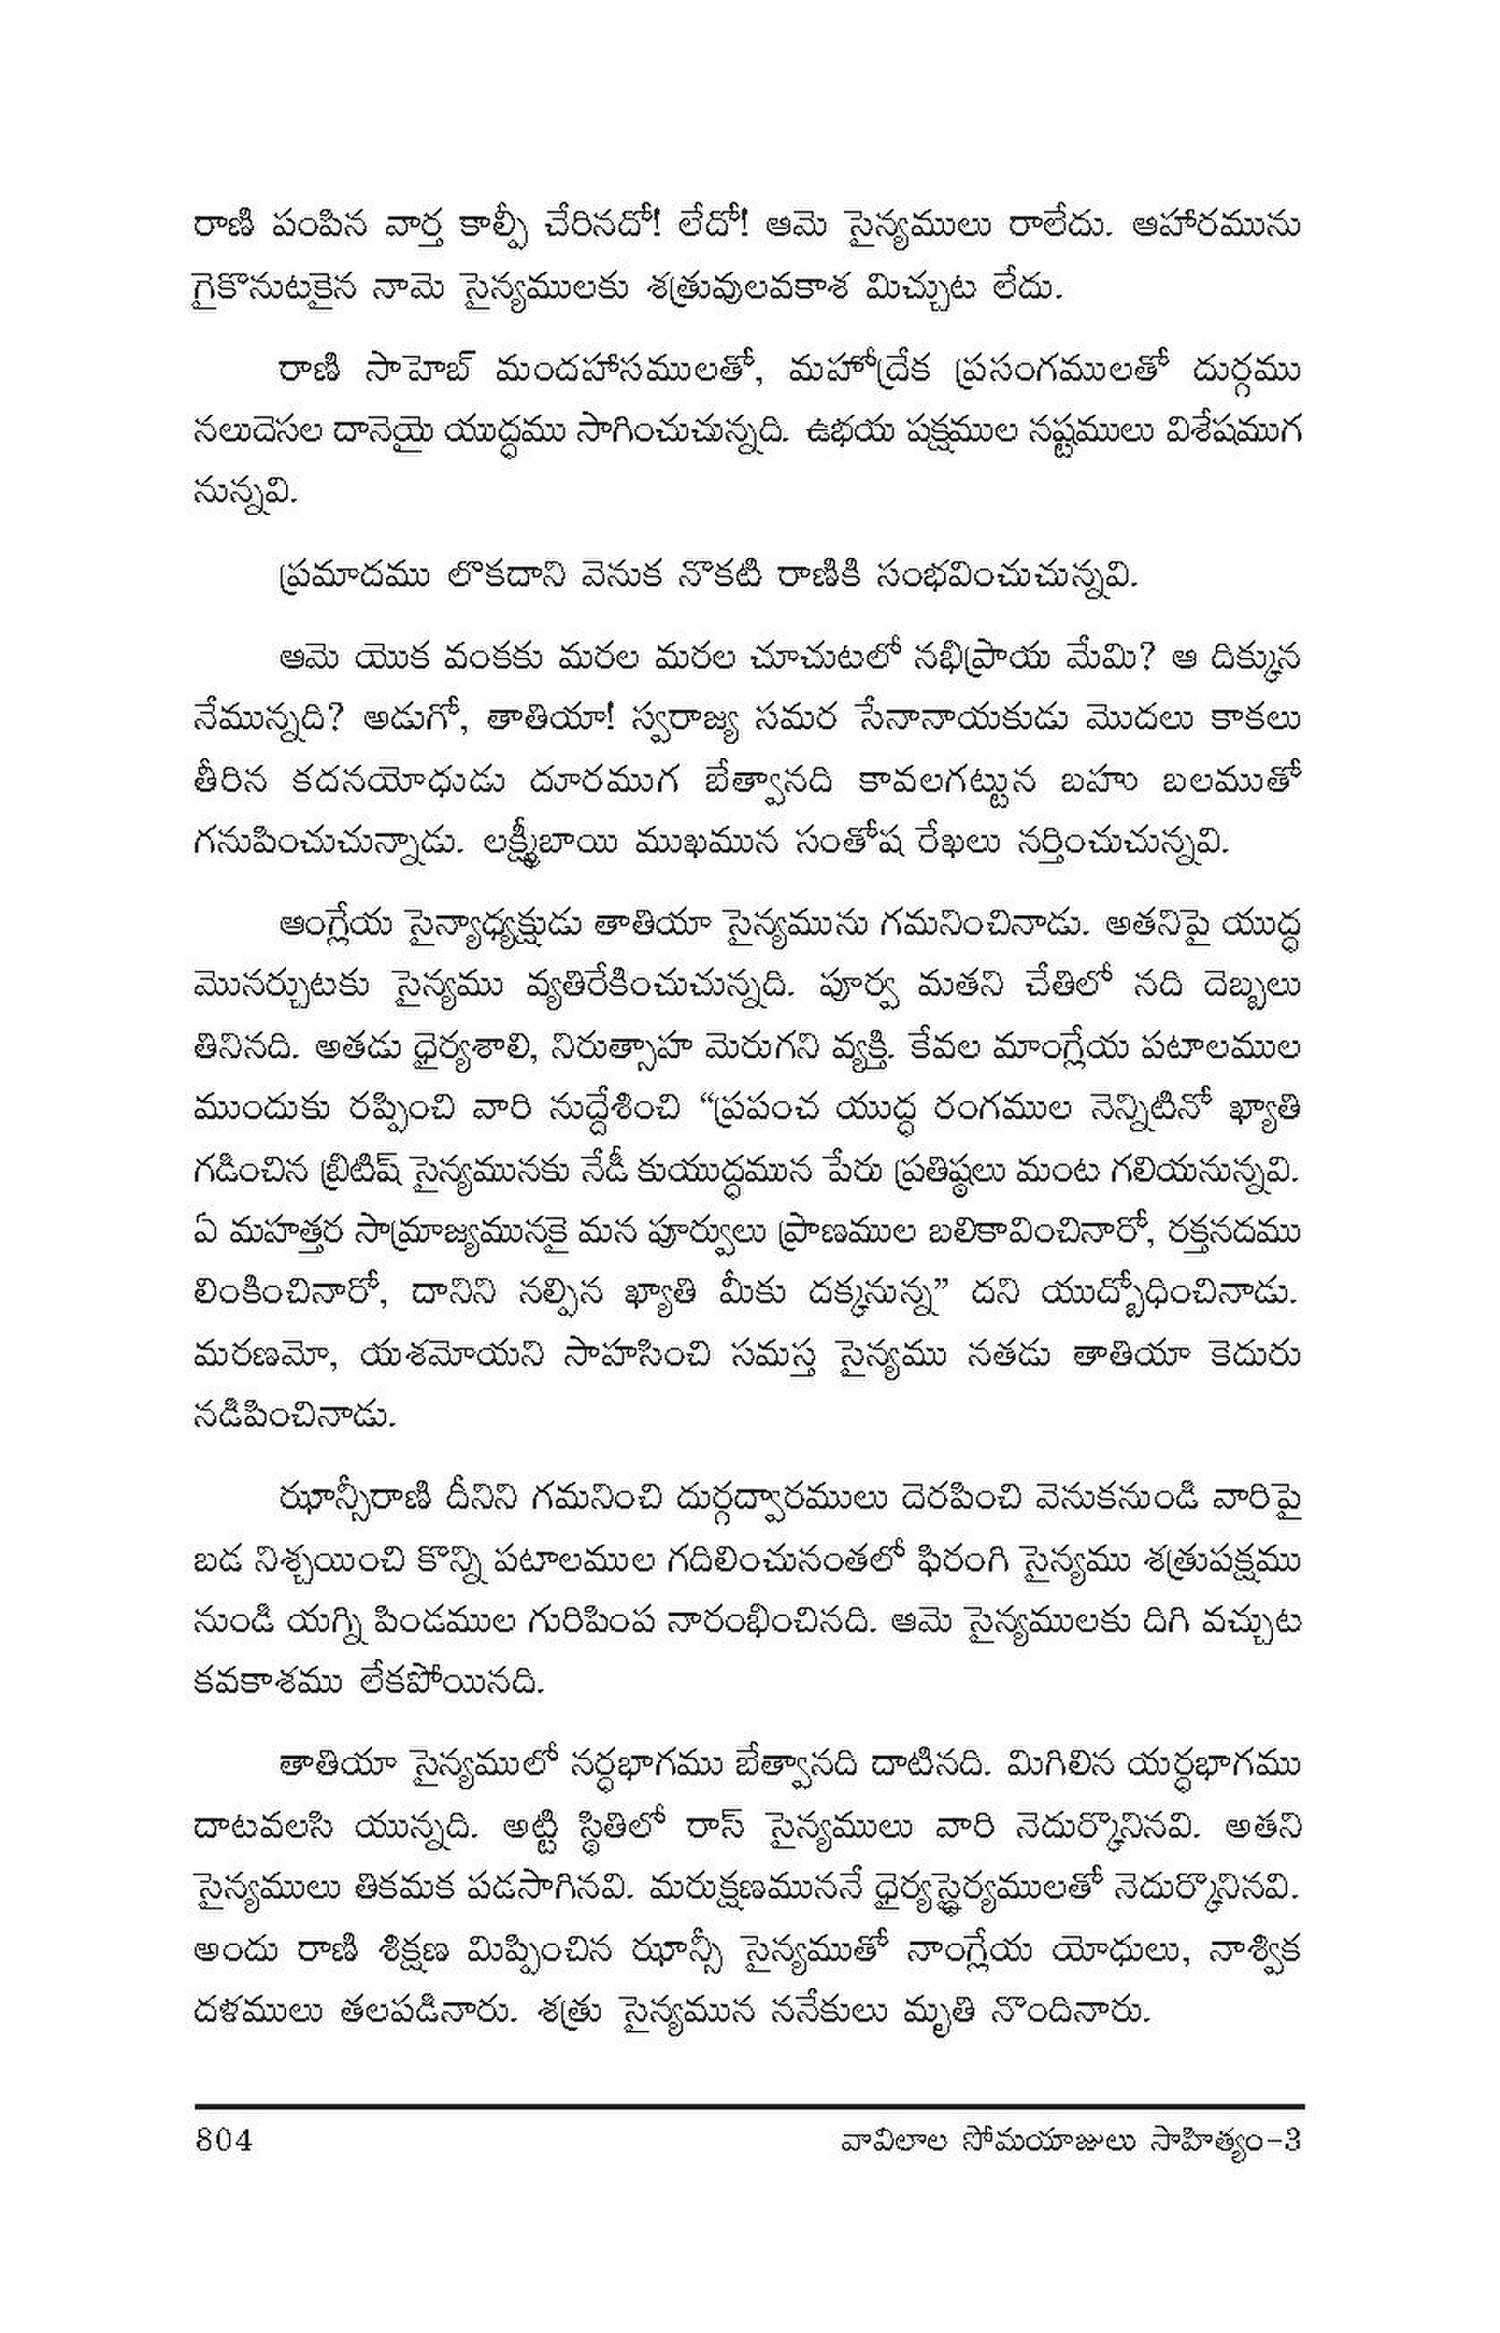రాణి పంపిన వార్త కాల్పీ చేరినదో! లేదో! ఆమె సైన్యములు రాలేదు. ఆహారమును గైకొనుటకైన నామె సైన్యములకు శత్రువులవకాశ మిచ్చుట లేదు.

రాణి సాహెబ్ మందహాసములతో, మహోద్రేక ప్రసంగములతో దుర్గము నలుదెసల దానెయై యుద్ధము సాగించుచున్నది. ఉభయ పక్షముల నష్టములు విశేషముగ నున్నవి.

ప్రమాదము లొకదాని వెనుక నొకటి రాణికి సంభవించుచున్నవి.

ఆమె యొక వంకకు మరల మరల చూచుటలో నభిప్రాయ మేమి? ఆ దిక్కున నేమున్నది? అడుగో, తాతియా! స్వరాజ్య సమర సేనానాయకుడు మొదలు కాకలు తీరిన కదనయోధుడు దూరముగ బేత్వానది కావలగట్టున బహు బలముతో గనుపించుచున్నాడు. లక్ష్మీబాయి ముఖమున సంతోష రేఖలు నర్తించుచున్నవి.

ఆంగ్లేయ సైన్యాధ్యక్షుడు తాతియా సైన్యమును గమనించినాడు. అతనిపై యుద్ధ మొనర్చుటకు సైన్యము వ్యతిరేకించుచున్నది. పూర్వ మతని చేతిలో నది దెబ్బలు తినినది. అతడు ధైర్యశాలి, నిరుత్సాహ మెరుగని వ్యక్తి. కేవల మాంగ్లేయ పటాలముల ముందుకు రప్పించి వారి నుద్దేశించి "ప్రపంచ యుద్ధ రంగముల నెన్నిటినో ఖ్యాతి గడించిన బ్రిటిష్ సైన్యమునకు నేడీ కుయుద్ధమున పేరు ప్రతిష్ఠలు మంట గలియనున్నవి. ఏ మహత్తర సామ్రాజ్యమునకై మన పూర్వులు ప్రాణముల బలికావించినారో, రక్తనదము లింకించినారో, దానిని సల్పిన ఖ్యాతి మీకు దక్కనున్న" దాని యుద్బోధించినాడు. మరణమో, యశమోయని సాహసించి సమస్త సైన్యము నతడు తాతియా కెదురు నడిపించినాడు.

ఝాన్సీరాణి దీనిని గమనించి దుర్గద్వారములు దెరపించి వెనుకనుండి వారిపై బడ నిశ్చయించి కొన్ని పటాలముల గదిలించునంతలో ఫిరంగి సైన్యము శత్రుపక్షము నుండి యగ్ని పిండముల గురిపింప నారంభించినది. ఆమె సైన్యములకు దిగి వచ్చుట కవకాశము లేకపోయినది.

తాతియా సైన్యములో నర్ధభాగము బేత్వానది దాటినది. మిగిలిన యర్ధభాగము దాటవలసి యున్నది. అట్టి స్థితిలో రాస్ సైన్యములు వారి నెదుర్కొనినవి. అతని సైన్యములు తికమక పడసాగినవి. మరుక్షణముననే ధైర్యస్థైర్యములతో నెదుర్కొనినవి. అందు రాణి శిక్షణ మిప్పించిన ఝాన్సీ సైన్యముతో నాంగ్లేయ యోధులు, నాశ్విక దళములు తలపడినారు. శత్రు సైన్యమున ననేకులు మృతి నొందినారు.